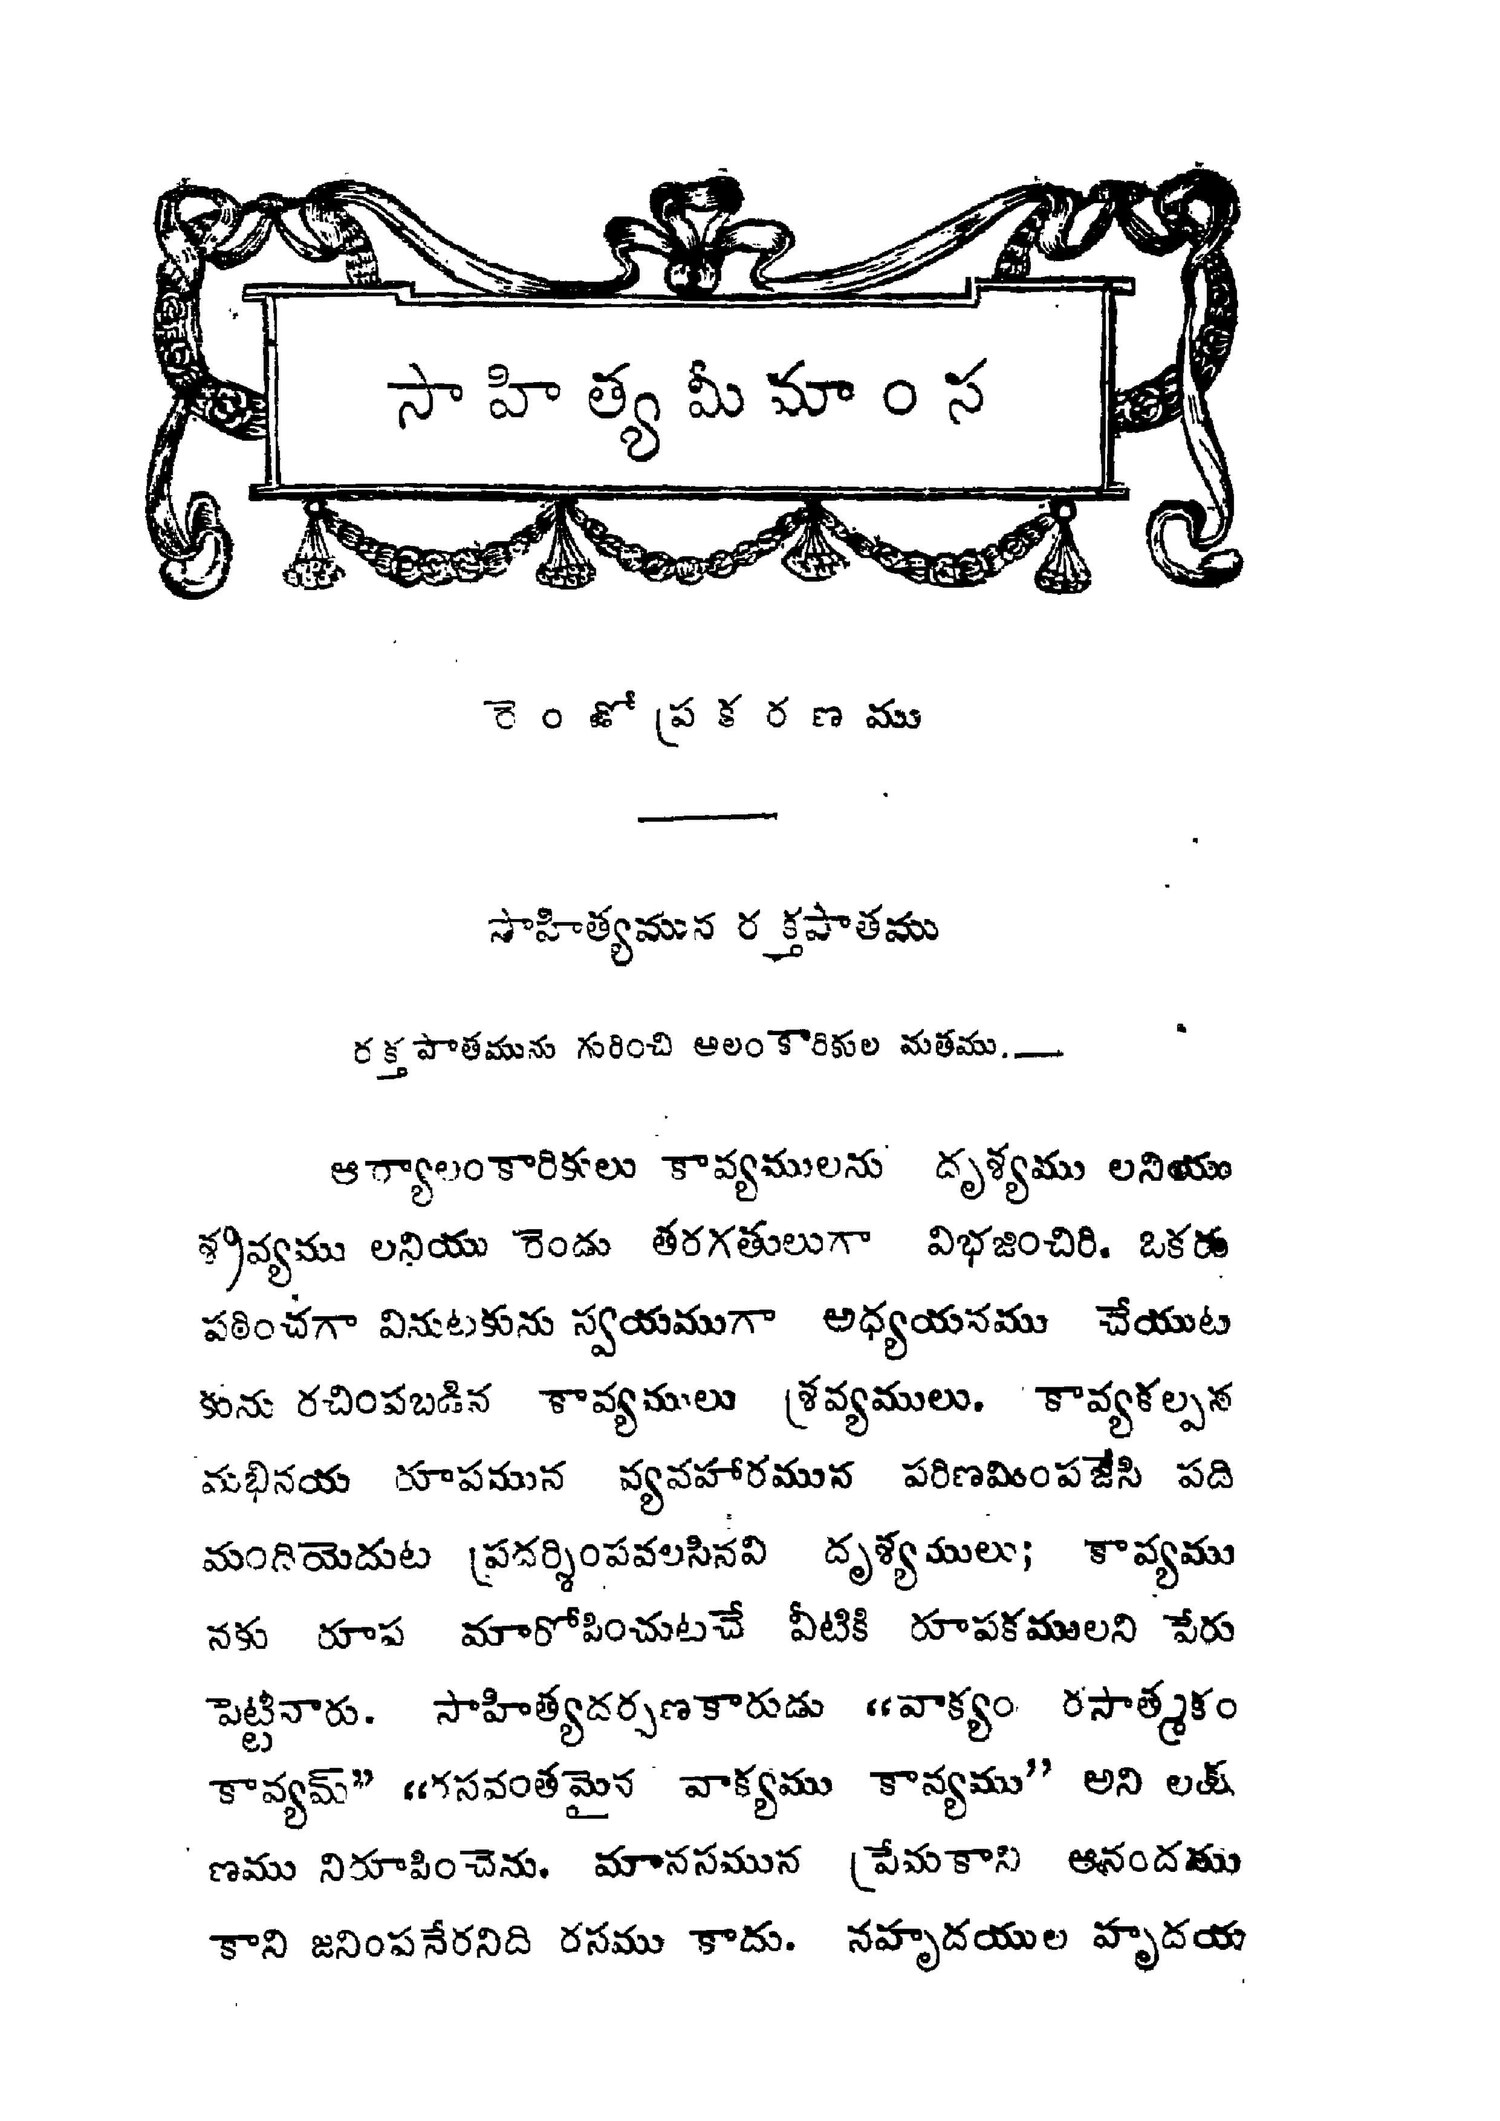ఆర్యాలంకారికులు కావ్యములను దృశ్యము లనియు శ్రవ్యము లనియు రెండు తరగతులుగా విభజించిరి. ఒకరు పఠించగా వినుటకును స్వయముగా అధ్యయనము చేయుటకును రచింపబడిన కావ్యములు శ్రవ్యములు. కావ్యకల్పన మభినయ రూపమున వ్యవహారమున పరిణమింపజేసి పదిమందియెదుట ప్రదర్శింపవలసినవి దృశ్యములు; కావ్యమునకు రూప మారోపించుటచే వీటికి రూపకములని పేరు పెట్టినారు. సాహిత్యదర్పణకారుడు "వాక్యం రసాత్మకం కావ్యమ్" "రసవంతమైన వాక్యము కావ్యము" అని లక్షణము నిరూపించెను. మానసమున ప్రేమకాని ఆనందము కాని జనింపనేరనిది రసము కాదు. సహృదయుల హృదయ